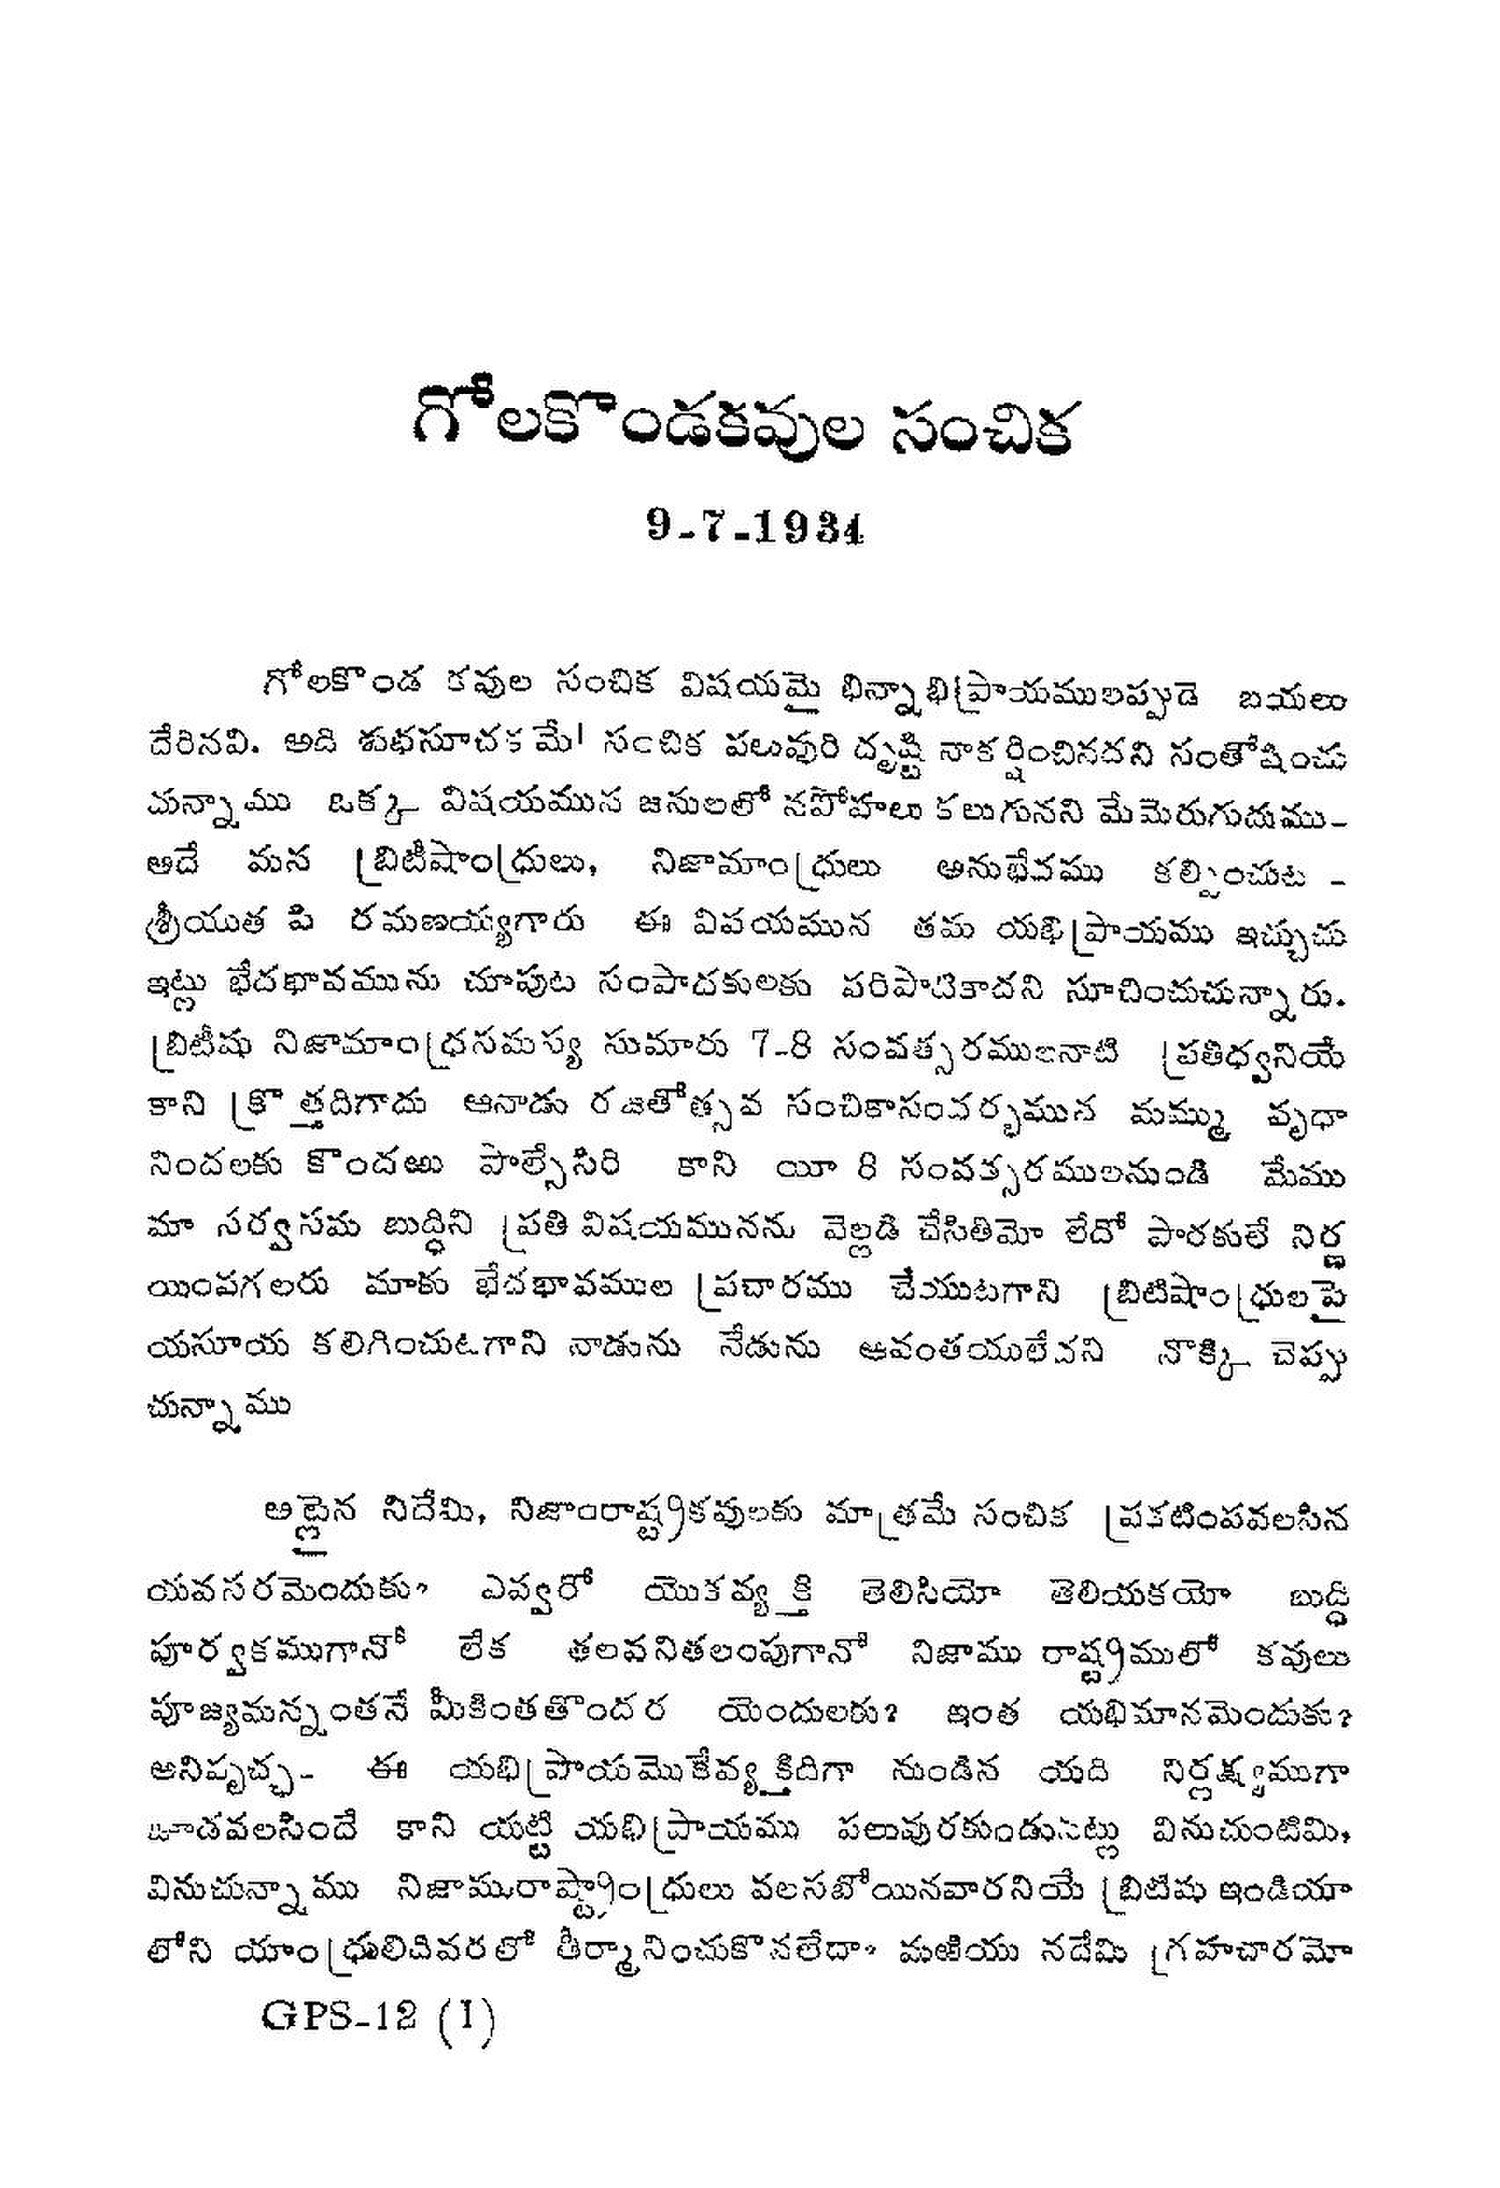గోలకొండకవుల సంచిక

9 - 7 - 1934

గోలకొండ కవుల సంచిక విషయమై భిన్నాభిప్రాయములప్పుడె బయలు దేరినవి. అది శుభసూచకమే! సంచిక పలువురి దృష్టి నాకర్షించినదని సంతోషించుచున్నాము ఒక్క విషయమున జనులలో నపోహలు కలుగునని మేమెరుగుదుము - అదే మన బ్రిటిషాంధ్రులు, నిజామాంధ్రులు అనుభేదము కల్పించుట - శ్రీయుత పి రమణయ్యగారు ఈ విషయమున తమ యభిప్రాయము ఇచ్చుచు ఇట్లు భేదభావమును చూపుట సంపాదకులకు పరిపాటికాదని సూచించుచున్నారు. బ్రిటీషు నిజామాంధ్రసమస్య సుమారు 7-8 సంవత్సరములనాటి ప్రతిధ్వనియే కాని క్రొత్తదిగాదు ఆనాడు రజతోత్సవ సంచికాసందర్భమున మమ్ము వృధా నిందలకు కొందఱు పాల్సేసిరి కాని యీ 8 సంవత్సరములనుండి మేము మా సర్వసమ బుద్ధిని ప్రతి విషయమునను వెల్లడి చేసితిమో లేదో పాఠకులే నిర్ణయింపగలరు మాకు భేదభావముల ప్రచారము చేయుటగాని బ్రిటిషాంధ్రులపై యసూయ కలిగించుటగాని నాడును నేడును ఆవంతయులేదని నొక్కి చెప్పుచున్నాము

అట్లైన నిదేమి, నిజాంరాష్ట్రకవులకు మాత్రమే సంచిక ప్రకటింపవలసిన యవసరమెందుకు? ఎవ్వరో యొకవ్యక్తి తెలిసియో తెలియకయో బుద్ధి పూర్వకముగానో లేక తలవనితలంపుగానో నిజాము రాష్ట్రములో కవులు పూజ్యమన్నంతనే మీకింతతొందర యెందులకు? ఇంత యభిమానమెందుకు? అనిషృచ్ఛ - ఈ యభిప్రాయమొకేవ్యక్తిదిగా నుండిన యది నిర్లక్ష్యముగా జూడవలసిందే కాని యట్టి యభిప్రాయము పలువురకుండునట్లు వినుచుంటిమి. వినుచున్నాము నిజామురాష్ట్రాంధ్రులు వలసబోయినవారనియే బ్రిటిషు ఇండియాలోని యాంధ్రులిదివరలో తీర్మానించుకొనలేదా మఱియు నదేమి గ్రహచారమో